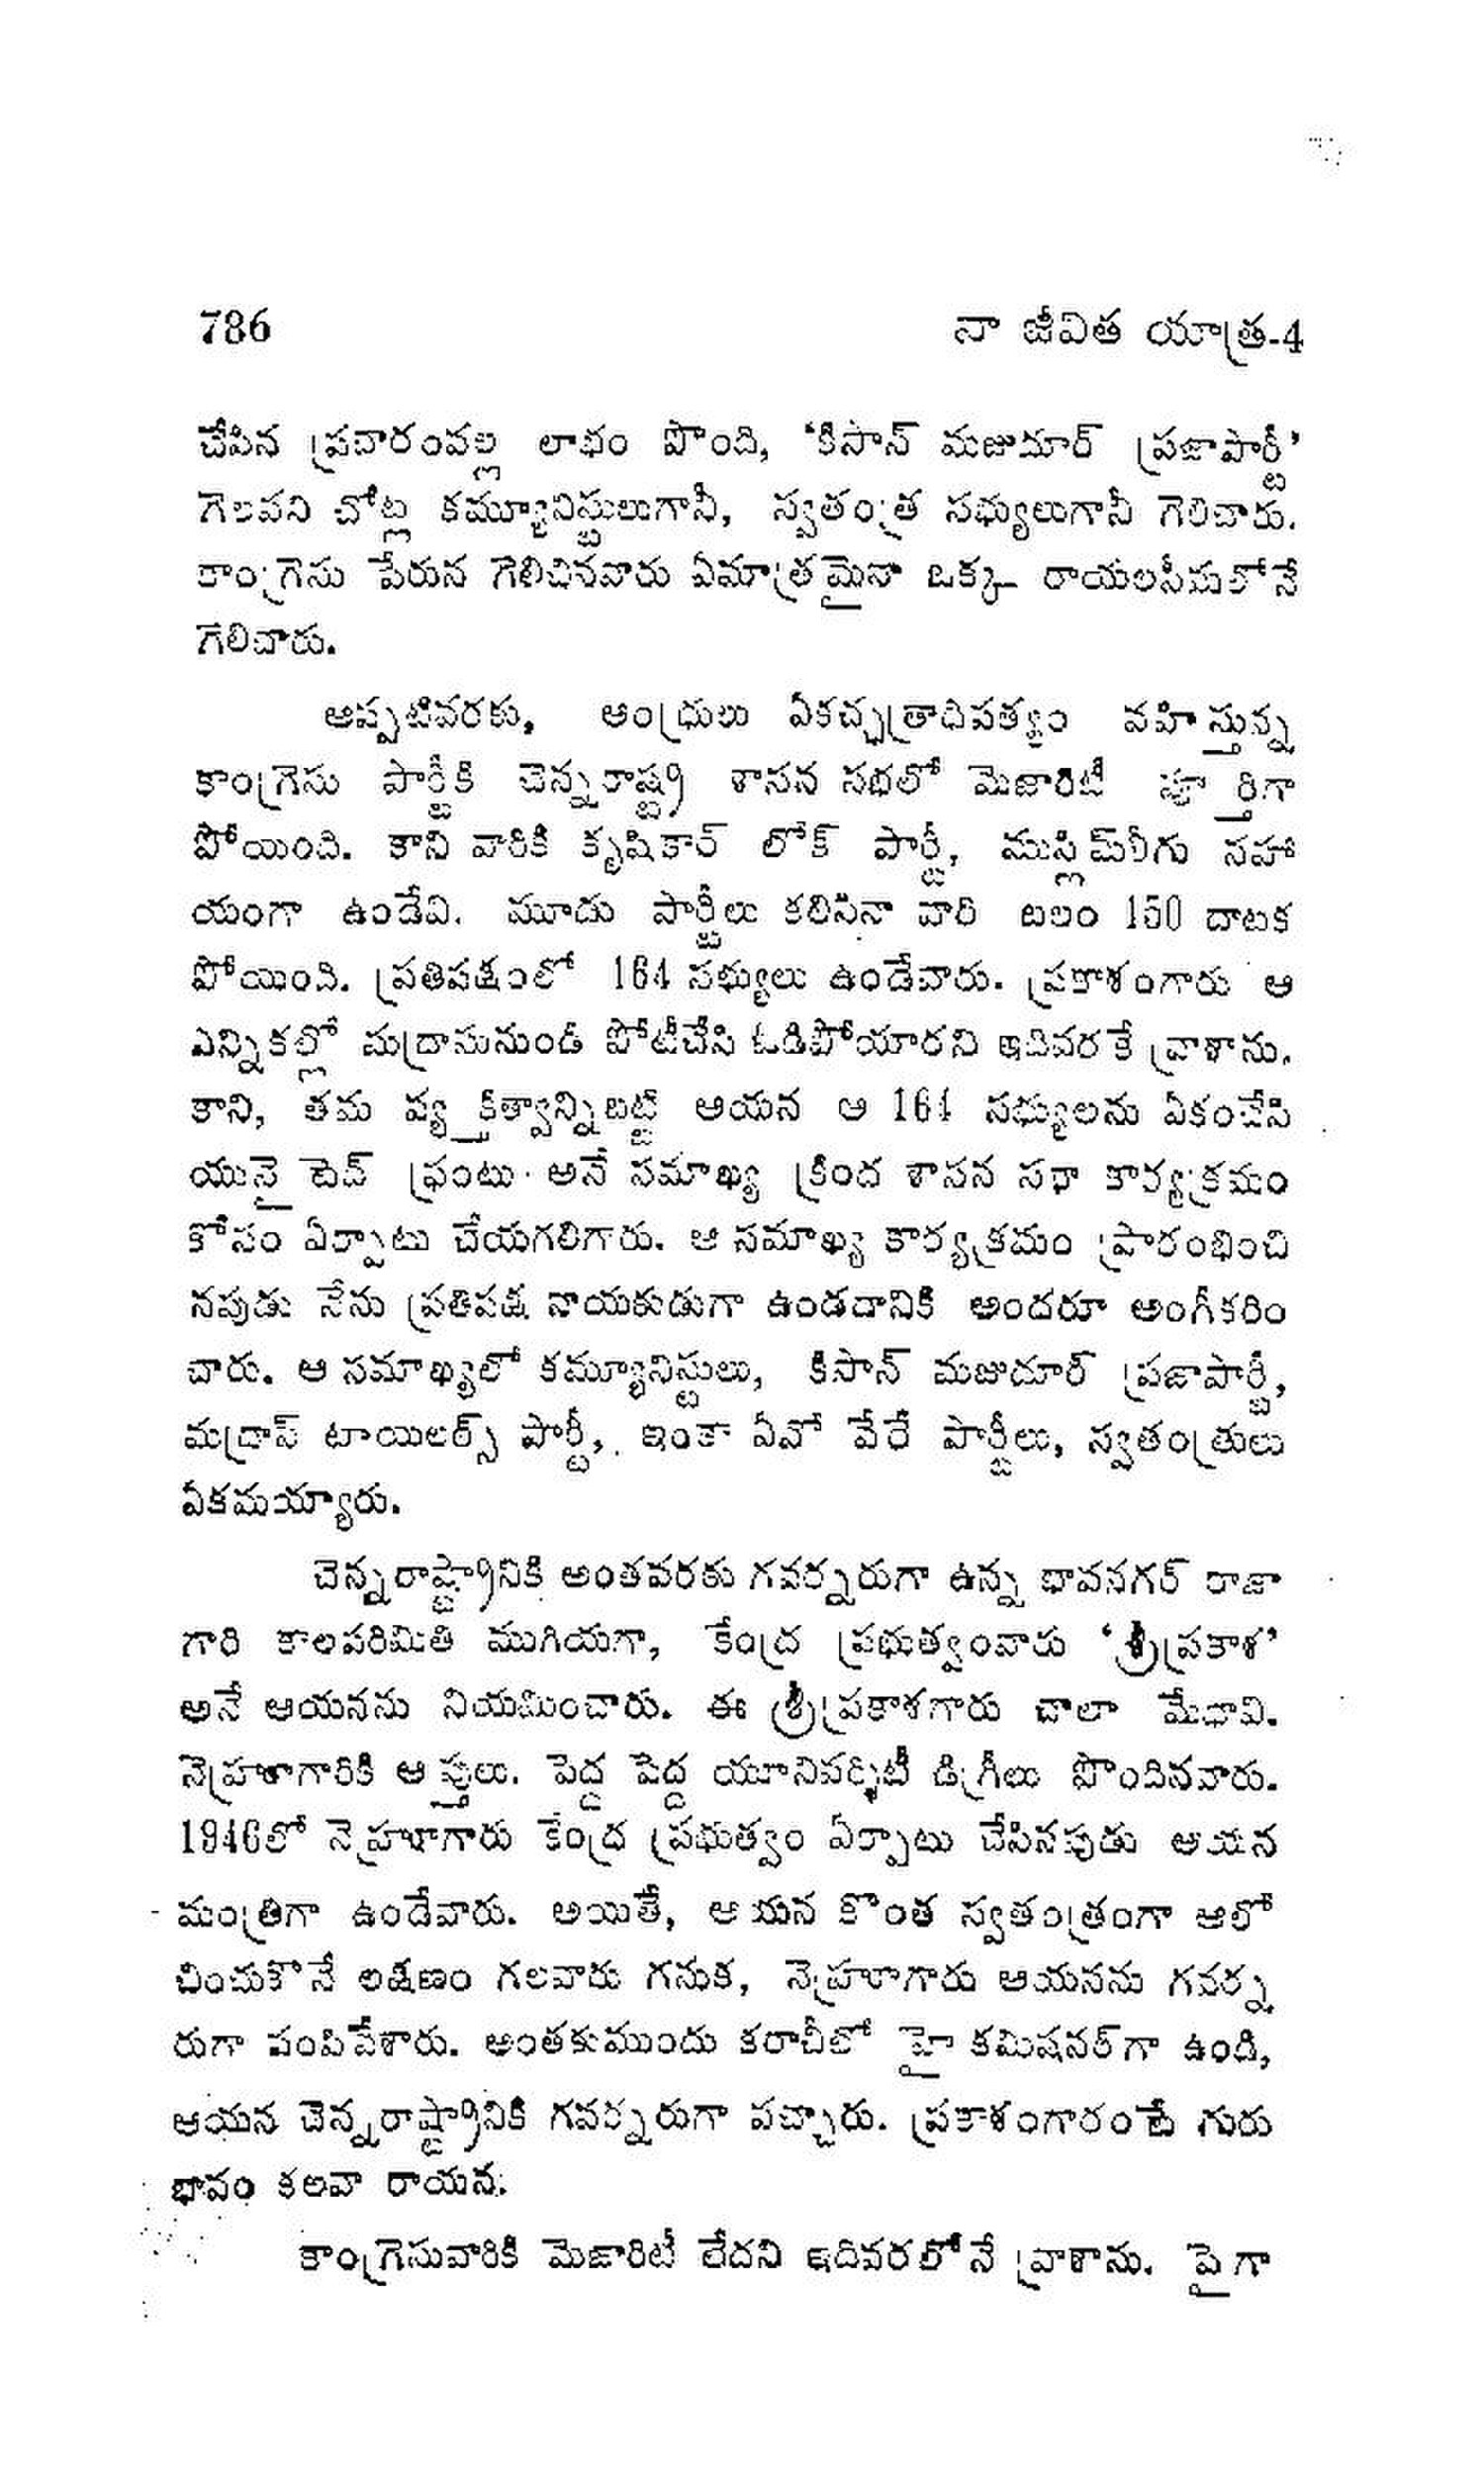చేసిన ప్రచారంవల్ల లాభం పొంది, 'కిసాన్ మజుదూర్ ప్రజాపార్టీ' గెలవని చోట్ల కమ్యూనిస్టులుగానీ, స్వతంత్ర సభ్యులుగానీ గెలిచారు. కాంగ్రెసు పేరున గెలిచినవారు ఏమాత్రమైనా ఒక్క రాయలసీమలోనే గెలిచారు.

అప్పటివరకు, ఆంధ్రులు ఏకచ్చత్రాదిపత్యం వహిస్తున్న కాంగ్రెసు పార్టీకి చెన్నరాష్ట్ర శాసన సభలో మెజారిటీ పూర్తిగా పోయింది. కాని వారికి కృషికార్ లోక్ పార్టీ, ముస్లిమ్‌లీగు సహాయంగా ఉండేవి. మూడు పార్టీలు కలిసినా వారి బలం 150 దాటక పోయింది. ప్రతిపక్షంలో 164 సభ్యులు ఉండేవారు. ప్రకాశంగారు ఆ ఎన్నికలల్లో మద్రాసునుండి పోటీచేసి ఓడిపోయారని ఇదివరకే వ్రాశాను. కాని, తమ వ్యక్తిత్వాన్నిబట్టి ఆయన ఆ 164 సభ్యులను ఏకంవేసి యునైటెడ్ ఫ్రంటు అనే సమాఖ్య క్రింద శాసన సభా కార్యక్రమంకోసం ఏర్పాటు చేయగలిగారు. ఆ సమాఖ్య కార్యక్రమం ప్రారంభించినపుడు నేను ప్రతిపక్ష నాయకుడుగా ఉండడానికి అందరూ అంగీకరించారు. ఆ సమాఖ్యలో కమ్యూనిస్టులు, కిసాన్ మజుదూర్ ప్రజాపార్టీ, మద్రాస్ టాయిలర్స్ పార్టీ, ఇంకా ఏవో వేరే పార్టీలు, స్వతంత్రులు ఏకమయ్యారు.

చెన్నరాష్ట్రానికి అంతవరకు గవర్నరుగా ఉన్న భావనగర్ రాజా గారి కాలపరిమితి ముగియగా, కేంద్ర ప్రభుత్వంవారు 'శ్రీప్రకాశ' అనే ఆయనను నియమించారు. ఈ శ్రీప్రకాశగారు చాలా మేధావి. నెహ్రూగారికి ఆప్తులు. పెద్ద పెద్ద యూనివర్శిటీ డిగ్రీలు పొందినవారు. 1946 లో నెహ్రూగారు కేంద్ర ప్రభుత్వం ఏర్పాటు చేసినపుడు ఆయన మంత్రిగా ఉండేవారు. అయితే, ఆయన కొంత స్వతంత్రంగా ఆలోచించుకొనే లక్షణం గలవారు గనుక, నెహ్రూగారు ఆయనను గవర్నరుగా పంపివేశారు. అంతకు ముందు కరాచీలో హైకమిషనర్‌గా ఉండి, ఆయన చెన్నరాష్ట్రానికి గవర్నరుగా వచ్చారు. ప్రకాశంగారంటే గురుభావం కలవా రాయన.

కాంగ్రెసువారికి మెజారిటీ లేదని ఇదివరలోనే వ్రాశాను. పైగా